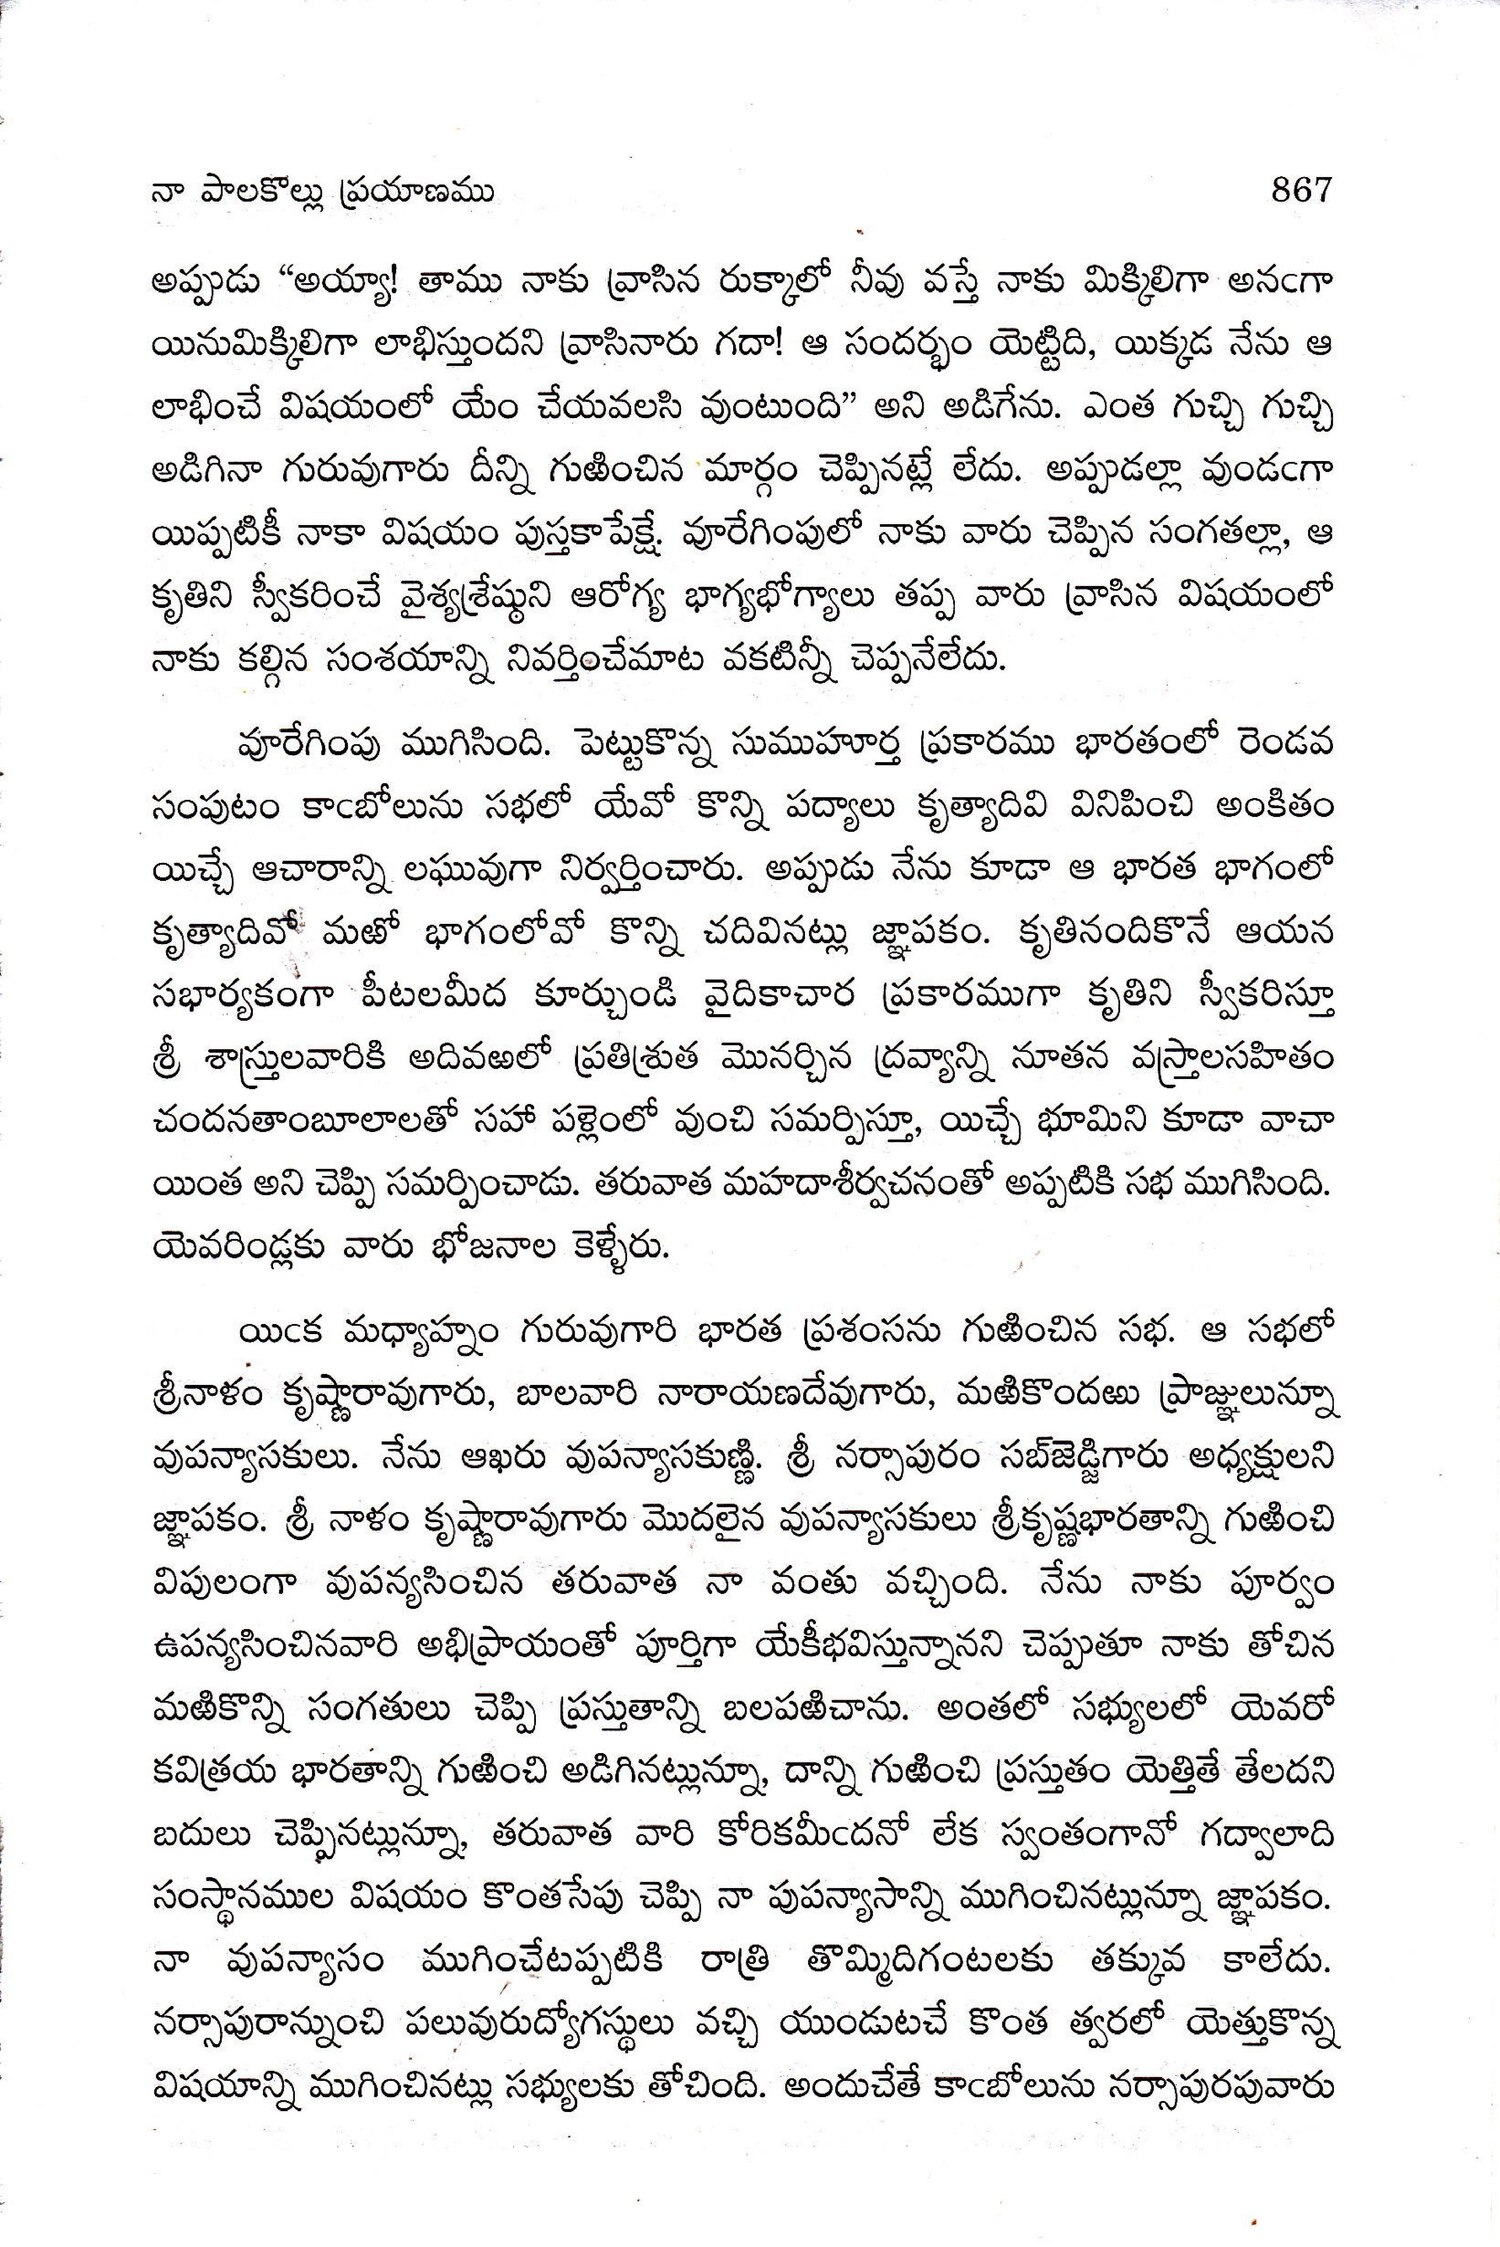అప్పుడు “అయ్యా! తాము నాకు వ్రాసిన రుక్కాలో నీవు వస్తే నాకు మిక్కిలిగా అనఁగా యినుమిక్కిలిగా లాభిస్తుందని వ్రాసినారు గదా! ఆ సందర్భం యెట్టిది, యిక్కడ నేను ఆ లాభించే విషయంలో యేం చేయవలసి వుంటుంది" అని అడిగేను. ఎంత గుచ్చి గుచ్చి అడిగినా గురువుగారు దీన్ని గుఱించిన మార్గం చెప్పినట్లే లేదు. అప్పుడల్లా వుండఁగా యిప్పటికీ నాకా విషయం పుస్తకాపేక్షే వూరేగింపులో నాకు వారు చెప్పిన సంగతల్లా, ఆ కృతిని స్వీకరించే వైశ్యశ్రేష్ఠుని ఆరోగ్య భాగ్యభోగ్యాలు తప్ప వారు వ్రాసిన విషయంలో నాకు కల్గిన సంశయాన్ని నివర్తించేమాట వకటిన్నీ చెప్పనేలేదు.

వూరేగింపు ముగిసింది. పెట్టుకొన్న సుముహూర్త ప్రకారము భారతంలో రెండవ సంపుటం కాఁబోలును సభలో యేవో కొన్ని పద్యాలు కృత్యాదివి వినిపించి అంకితం యిచ్చే ఆచారాన్ని లఘువుగా నిర్వర్తించారు. అప్పుడు నేను కూడా ఆ భారత భాగంలో కృత్యాదివో మఱో భాగంలోవో కొన్ని చదివినట్లు జ్ఞాపకం. కృతినందికొనే ఆయన సభార్యకంగా పీటలమీద కూర్చుండి వైదికాచార ప్రకారముగా కృతిని స్వీకరిస్తూ శ్రీ శాస్త్రులవారికి అదివఱలో ప్రతిశ్రుత మొనర్చిన ద్రవ్యాన్ని నూతన వస్తాలసహితం చందనతాంబూలాలతో సహా పళ్లెంలో వుంచి సమర్పిస్తూ, యిచ్చే భూమిని కూడా వాచా యింత అని చెప్పి సమర్పించాడు. తరువాత మహదాశీర్వచనంతో అప్పటికి సభ ముగిసింది. యెవరిండ్లకు వారు భోజనాల కెళ్ళేరు.

యిఁక మధ్యాహ్నం గురువుగారి భారత ప్రశంసను గుఱించిన సభ. ఆ సభలో శ్రీనాళం కృష్ణారావుగారు, బాలవారి నారాయణదేవుగారు, మఱికొందఱు ప్రాజ్ఞులున్నూ వుపన్యాసకులు. నేను ఆఖరు వుపన్యాసకుణ్ణి. శ్రీ నర్సాపురం సబ్‌జెడ్జిగారు అధ్యక్షులని జ్ఞాపకం. శ్రీ నాళం కృష్ణారావుగారు మొదలైన వుపన్యాసకులు శ్రీకృష్ణభారతాన్ని గుఱించి విపులంగా వుపన్యసించిన తరువాత నా వంతు వచ్చింది. నేను నాకు పూర్వం ఉపన్యసించినవారి అభిప్రాయంతో పూర్తిగా యేకీభవిస్తున్నానని చెప్పుతూ నాకు తోచిన మఱికొన్ని సంగతులు చెప్పి ప్రస్తుతాన్ని బలపఱిచాను. అంతలో సభ్యులలో యెవరో కవిత్రయ భారతాన్ని గుఱించి అడిగినట్లున్నూ, దాన్ని గుఱించి ప్రస్తుతం యెత్తితే తేలదని బదులు చెప్పినట్లున్నూ తరువాత వారి కోరికమీఁదనో లేక స్వంతంగానో గద్వాలాది సంస్థానముల విషయం కొంతసేపు చెప్పి నా పుపన్యాసాన్ని ముగించినట్లున్నూ జ్ఞాపకం. నా వుపన్యాసం ముగించేటప్పటికి రాత్రి తొమ్మిదిగంటలకు తక్కువ కాలేదు. నర్సాపురాన్నుంచి పలువురుద్యోగస్థులు వచ్చి యుండుటచే కొంత త్వరలో యెత్తుకొన్న విషయాన్ని ముగించినట్లు సభ్యులకు తోచింది. అందుచేతే కాఁబోలును నర్సాపురపువారు